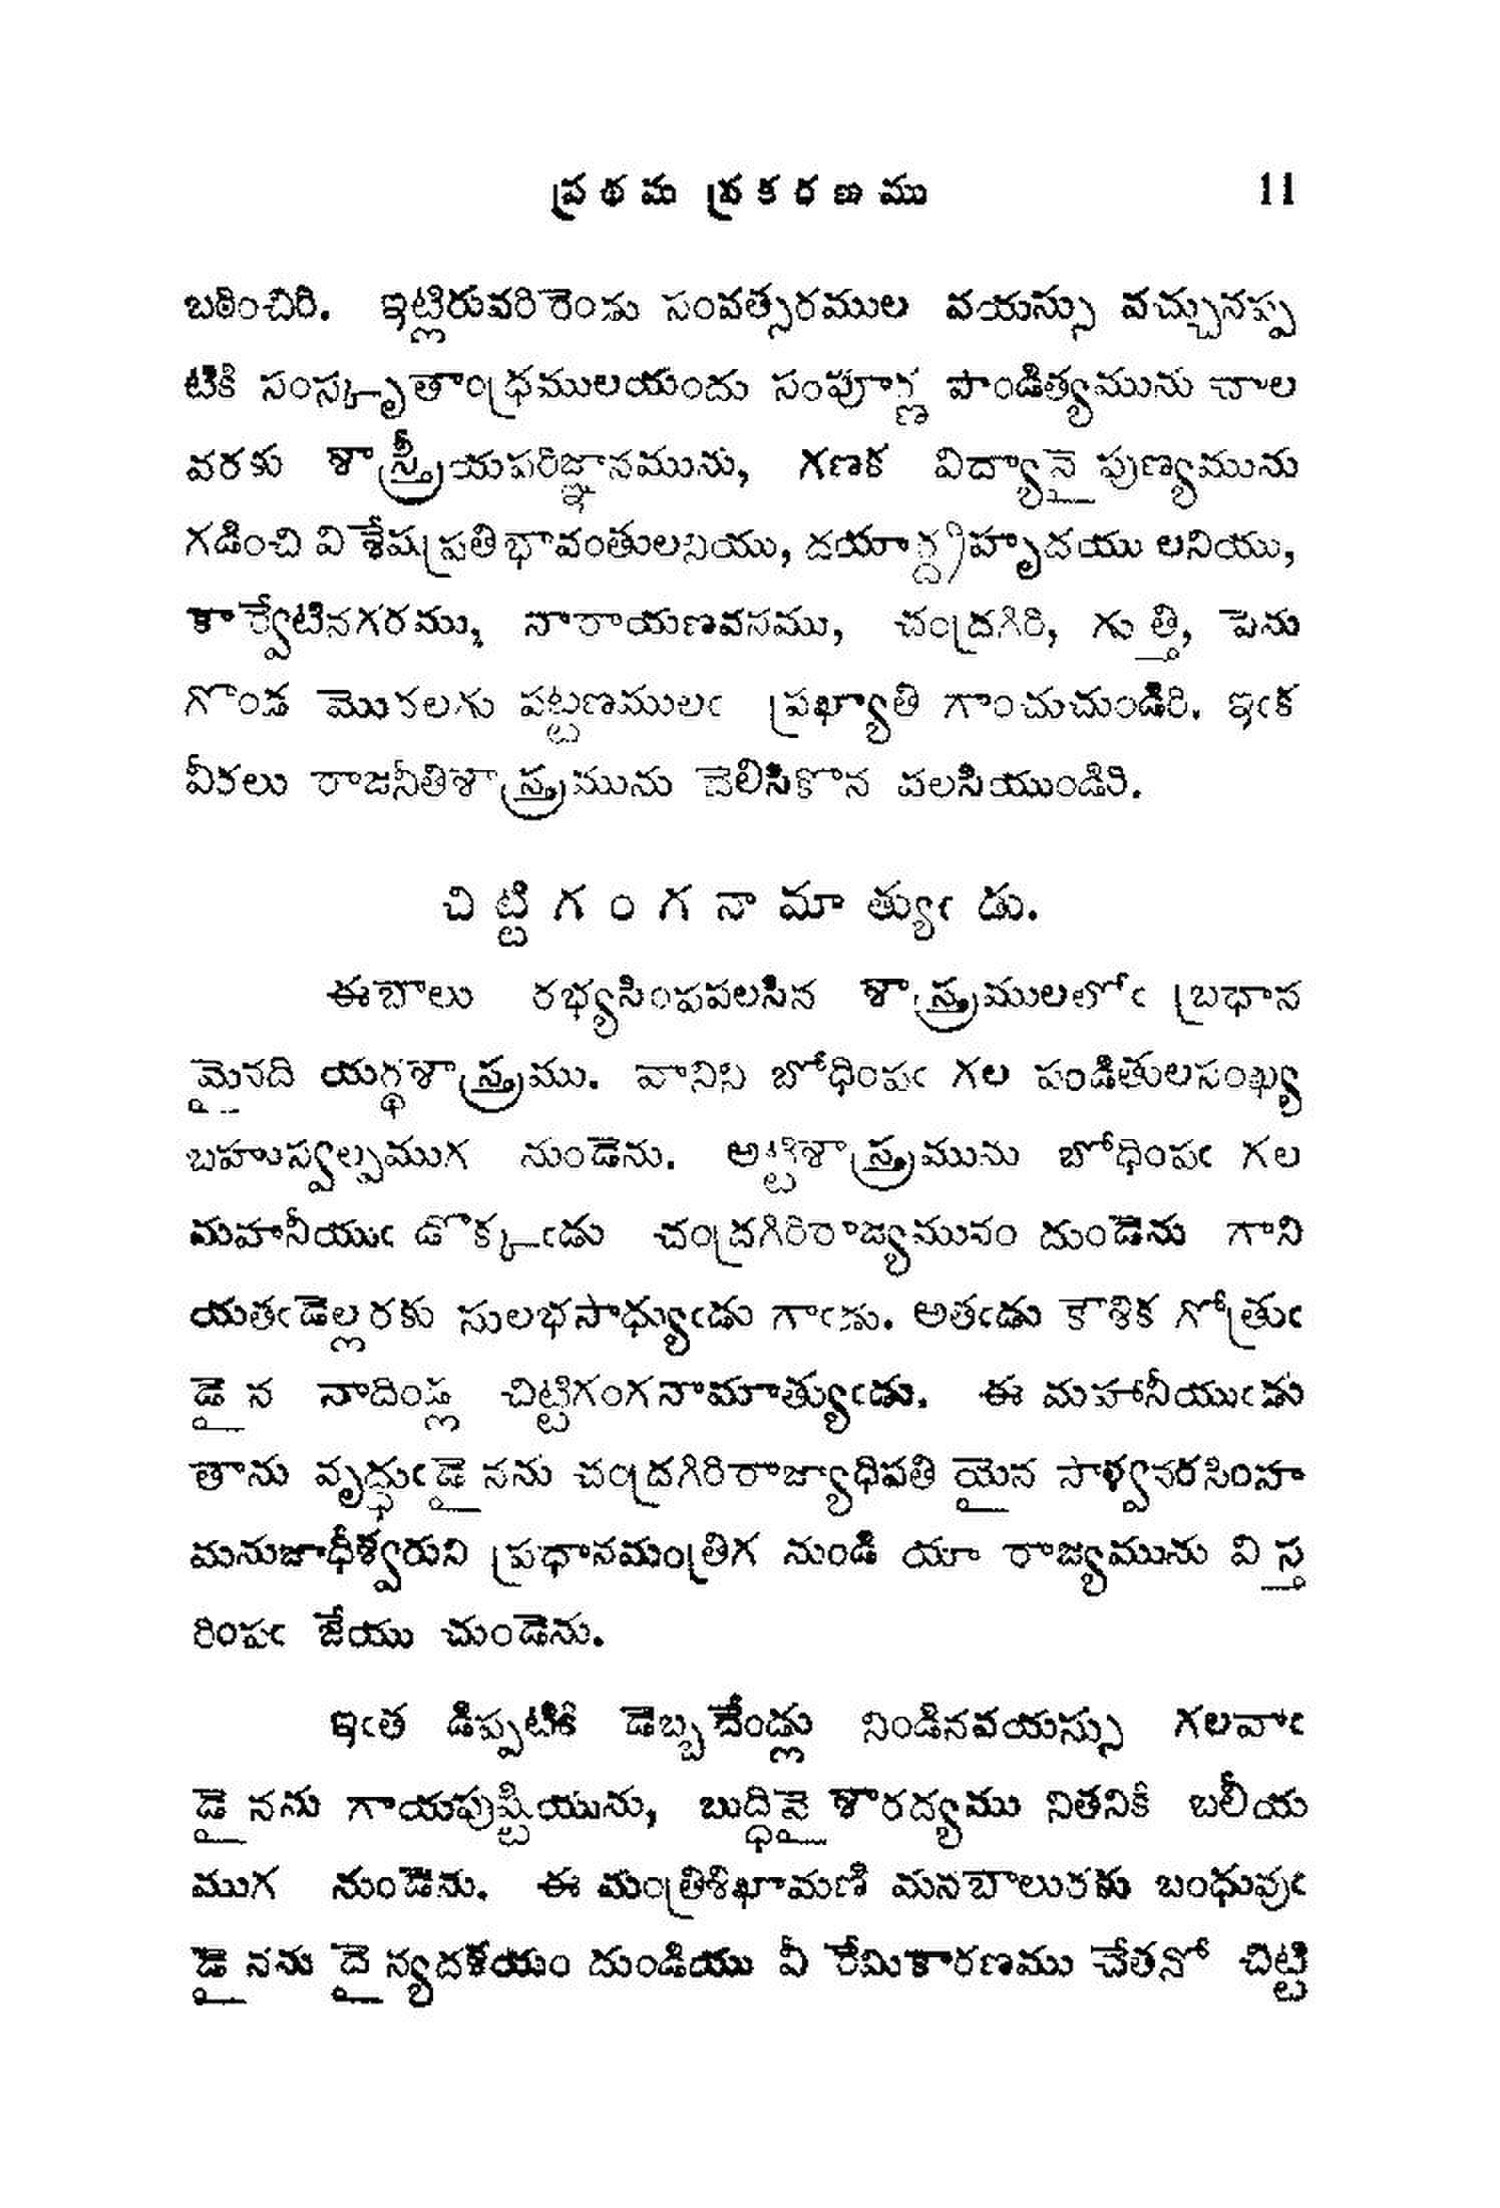బఠించిరి. ఇట్లిరువరిరెండు సంవత్సరముల వయస్సు వచ్చునప్పటికి సంస్కృతాంధ్రముల యందు సంపూర్ణ పాండిత్యమును చాలవరకు శాస్త్రీయపరిజ్ఞానమును, గణక విద్యానైపుణ్యమును గడించి విశేషప్రతిభావంతులనియు, దయార్ద్రహృదయు లనియు, కార్వేటినగరము, నారాయణవనము, చంద్రగిరి, గుత్తి, పెనుగొండ మొదలగు పట్టణములఁ ప్రఖ్యాతి గాంచుచుండిరి. ఇఁక వీరలు రాజనీతిశాస్త్రమును దెలిసికొన వలసియుండిరి.

చిట్టిగంగనామాత్యుఁడు. 

ఈబాలు రభ్యసింపపలసిన శాస్త్రములలోఁ బ్రధానమైనది యర్థశాస్త్రము. వానిని బోధింపఁ గల పండితులసంఖ్య బహుస్వల్పముగ నుండెను. అట్టిశాస్త్రమును బోధింపఁ గల మహనీయుఁ డొక్కఁడు చంద్రగిరిరాజ్యమునం దుండెను గాని యతఁడెల్లరకు సులభసాధ్యుఁడు గాఁడు. అతఁడు కౌశిక గోత్రుఁడైన నాదిండ్ల చిట్టిగంగనామాత్యుఁడు. ఈ మహానీయుఁడు తాను వృద్ధుఁడైనను చంద్రగిరిరాజ్యాధిపతి యైన సాళ్వనరసింహ మనుజాధీశ్వరుని ప్రధానమంత్రిగ నుండి యా రాజ్యమును విస్తరింపఁ జేయు చుండెను.

ఇఁత డిప్పటికి డెబ్బదేండ్లు నిండినవయస్సు గలవాఁ డైనను గాయపుష్టియును, బుద్ధివై శారద్యము నితనికి బలీయముగ నుండెను. ఈ మంత్రిశిఖామణి మనబాలురకు బంధువుఁ డైనను దైన్యదశయం దుండియు వీ రేమికారణము చేతనో చిట్టి